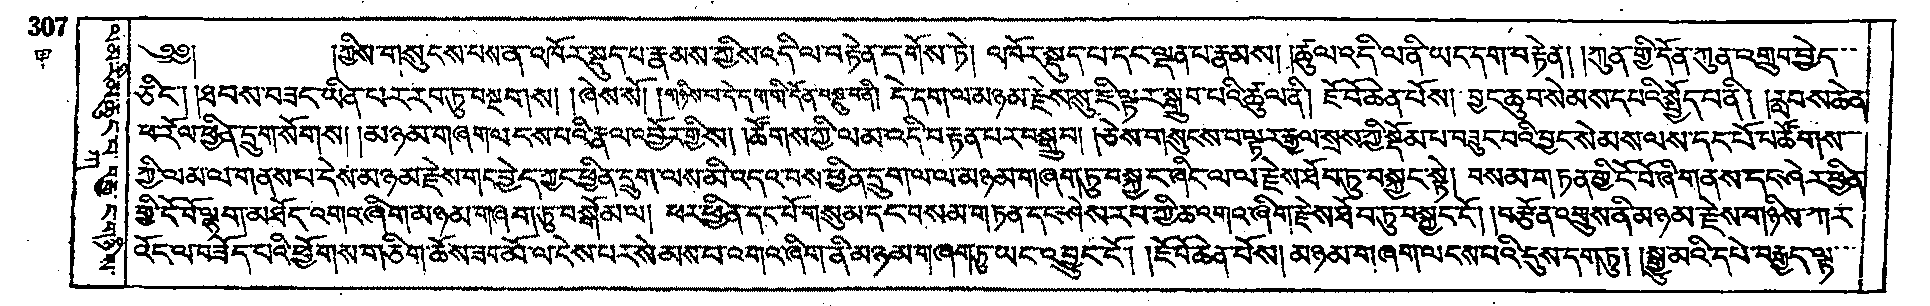༄༅། །ཀྱིས་གསུངས་པས་ན་འཁོར་སྡུད་པ་རྣམས་ཀྱིས་འདི་ལ་བརྟེན་དགོས་ཏེ། འཁོར་སྡུད་པ་དང་ལྡན་པ་རྣམས། །ཚུལ་འདི་ལ་ནི་ཡང་དག་བརྟེན། །ཀུན་གྱི་དོན་ཀུན་འགྲུབ་བྱེད་
ཅིང་། །ཐབས་བཟང་ཡིན་པར་རབ་ཏུ་བསྔགས། །ཞེས་སོ། །གཉིས་པ་དེ་དག་གི་དོན་བསྡུ་བ་ནི།  དེ་དག་ལ་མཉམ་རྗེས་སུ་ཇི་ལྟར་སྒྲུབ་པའི་ཚུལ་ནི། ཇོ་བོ་ཆེན་པོས། བྱང་ཆུབ་སེམས་དཔའི་སྤྱོད་པ་ནི། །རླབས་ཆེན་
ཕ་རོལ་ཕྱིན་དྲུག་སོགས། །མཉམ་གཞག་ལངས་པའི་རྣལ་འབྱོར་གྱིས། །ཚོགས་ཀྱི་ལམ་འདི་བརྟན་པར་བསྒྲུབ། །ཅེས་གསུངས་པ་ལྟར་རྒྱལ་སྲས་ཀྱི་སྡོམ་པ་བཟུང་བའི་བྱང་སེམས་ལས་དང་པོ་པ་ཚོགས་
ཀྱི་ལམ་ལ་གནས་པ་དེས་མཉམ་རྗེས་གང་བྱེད་ཀྱང་ཕྱིན་དྲུག་ལས་མི་འདའ་བས་ཕྱིན་དྲུག་ལ་ལ་མཉམ་གཞག་ཏུ་བསྐྱང་ཞིང་ལ་ལ་རྗེས་ཐོབ་ཏུ་བསྐྱང་སྟེ། བསམ་གཏན་གྱི་ངོ་བོ་ཞི་གནས་དང་ཤེར་ཕྱིན་
གྱི་ངོ་བོ་ལྷག་མཐོང་འགའ་ཞིག་མཉམ་གཞག་ཏུ་བསྒོམ་ལ། ཕར་ཕྱིན་དང་པོ་གསུམ་དང་བསམ་གཏན་དང་ཤེས་རབ་ཀྱི་ཆ་འགའ་ཞིག་རྗེས་ཐོབ་ཏུ་བསྐྱང་ངོ། །བརྩོན་འགྲུས་ནི་མཉམ་རྗེས་གཉིས་ཀར་
འོང་ལ་བཟོད་པའི་ཕྱོགས་གཅིག་ཆོས་ཟབ་མོ་ལ་ངེས་པར་སེམས་པ་འགའ་ཞིག་ནི་མཉམ་གཞག་ཏུ་ཡང་འབྱུང་ངོ། །ཇོ་བོ་ཆེན་པོས། མཉམ་གཞག་ལངས་པའི་དུས་དག་ཏུ། །སྒྱུ་མའི་དཔེ་བརྒྱད་ལྟ་